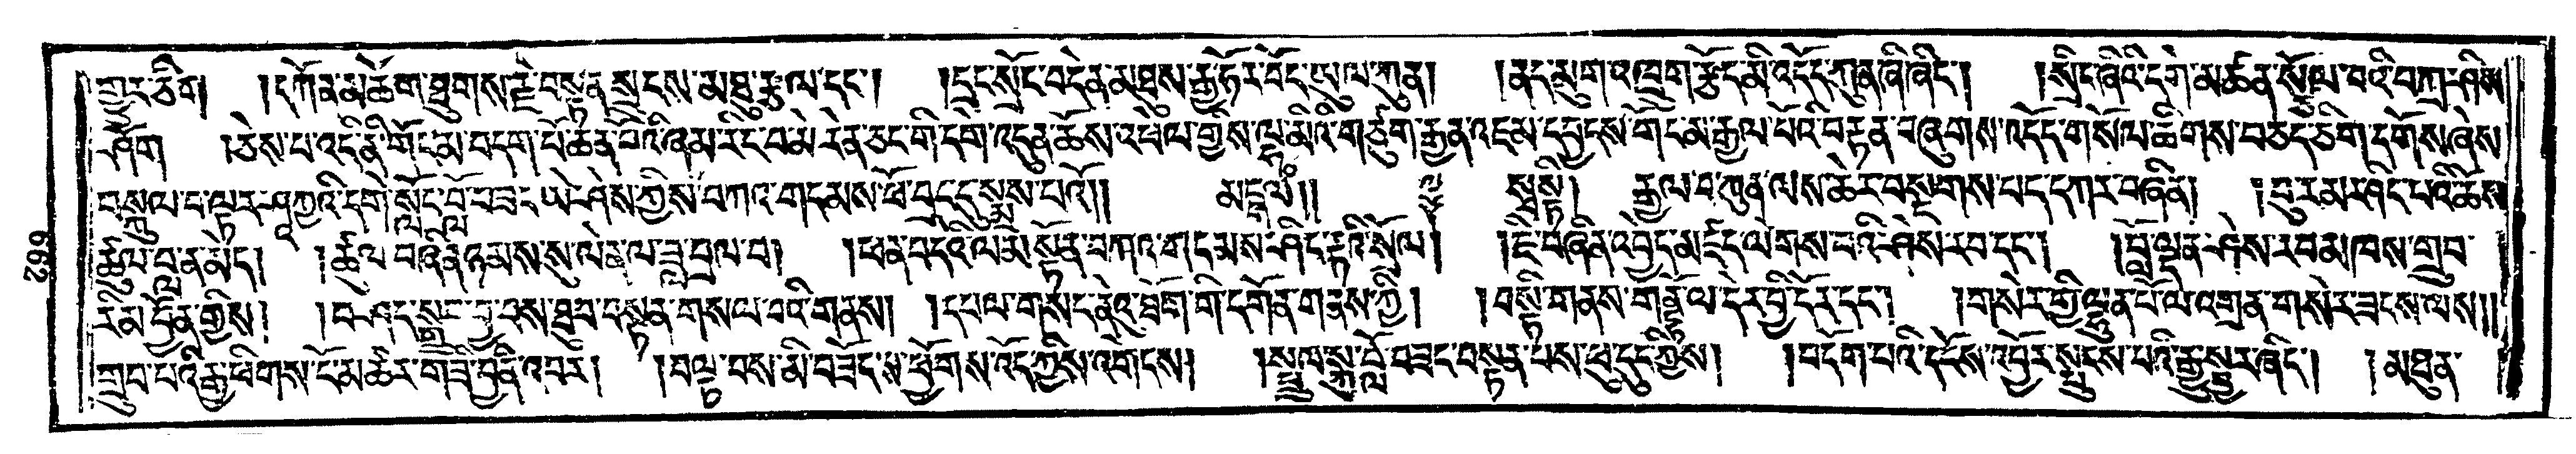གྱུར་ཅིག །དཀོན་མཆོག་ཐུགས་རྗེ་བསྟན་སྲུངས་མཐུ་རྩལ་དང་། །དྲང་སྲོང་བདེན་མཐུས་རྒྱ་ཧོར་བོད་ཡུལ་ཀུན། །ནད་མུག་འཁྲུག་རྩོད་མི་འདོད་ཀུན་ཞི་ཞིང་། །སྲིང་ཞིའི་དགེ་མཚན་སྩོལ་པའི་བཀྲ་ཤིས་
ཤོག །ཅེས་བ་འདི་ནི་གོང་མ་བདག་པོ་ཆན་པོའི་ཞམ་རིང་བ་མེ་རེན་ཅང་གི་དགེ་འདུན་ཆོས་འཕེལ་གྱིས་ལྷ་མིའི་གཙུག་རྒྱན་འཇམ་དབྱངས་གོང་མ་རྒྱལ་པོའི་བརྟན་བཞུགས་འདོད་གསོལ་ཆིགས་བཅད་ཅིག་དགོས་ཞེས་
བསྐུལ་བ་ལྟར་ཤཱཀྱའི་དགེ་སློང་བློ་བཟང་ཡེ་ཤེས་ཀྱིས་བཀའ་གདམས་ཕོ་བྲང་དུ་སྨྲས་པའོ།། མངྒལཾ།། ༈ སྭསྟི། རྒྱལ་བ་ཀུན་ལས་ཆེར་བསྔགས་པད་དཀར་བཞིན། །བུ་རམ་ཤིང་པའི་ཆོས་
ཚུལ་བླ་ན་མེད། །ཚུལ་བཞིན་ཉམས་སུ་ལེན་ལ་ཟླ་བྲལ་བ། །ཕན་བདའི་ལམ་སྟོན་བཀའ་གདམས་ཤིང་རྟའི་སྲོལ། །ཇི་བཞིན་འབྱེད་མཛད་ལེགས་པའི་ཤེས་རབ་དང་། །བློ་ལྡན་ཤེས་རབ་མཁས་གྲུབ་
རིམ་བྱོན་གྱིས། །བཤད་སྒྲུབ་བྱ་བས་ཐུབ་བསྟན་གསལ་བའི་གནས། །དཔལ་གསང་ནེའུ་ཐོག་གི་དགོན་གནས་ཀྱི། །བསྟི་གནས་གནྡྷོ་ལ་དེར་བྱི་དོར་དང་། །གསེར་གྱི་ལྷུན་པོ་ལ་འགྲན་གསེར་ཟངས་ལས།།
གྲུབ་པའི་རྒྱ་ཕིགས་ངོ་མཚར་གཟི་བྱིན་འབར། །བལྟ་བས་མི་བཟོངས་ས་ཕྱོགས་འོད་ཀྱིས་འགེངས། །སྤྲུལ་སྐུ་བློ་བཟང་བསྟན་པས་ཕུ་དུང་ཀྱིས། །བདོག་པའི་དངོས་འབྱོར་སྤུངས་པའི་རྒྱུ་སྦྱར་ཞིང་། །མཐུན་